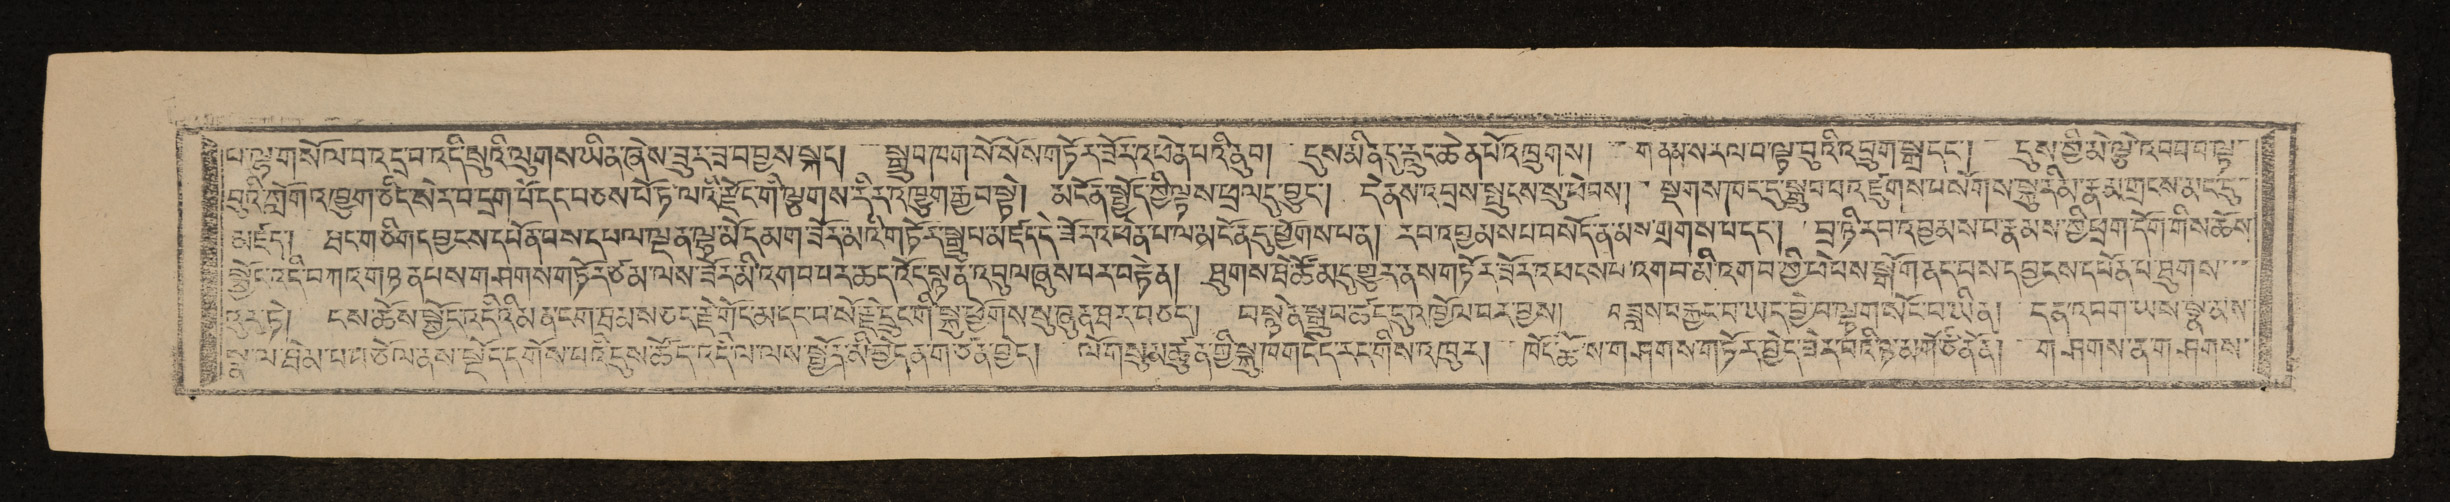པ་ལྷ་གསོལ་བ་འདྲ་བ་འདི་སུའི་ལུགས་ཡིན་ཞེས་ཟུར་ཟབ་བྱས་སྐད། སྒྲུབ་ཁག་སོ་སོས་གཏོར་ཟོར་འཕེན་པའི་ནུབ། དུས་མིན་དུ་རླུང་ཆེན་པོ་འཁྲུགས། གནམ་ས་རལ་བ་ལྟ་བུའི་འབྲུག་སྒྲ་དང་། དུས་ཀྱི་མེ་ལྕེ་འབབ་པ་ལྟ་
བུའི་གློག་འཁྱུག་ཅིང་སེར་བ་དྲག་པོ་དང་བཅས་པོ་ཏ་ལའི་རྫོང་གི་ལྕགས་རིར་འཁྱུག་རྒྱབ་སྟེ། མངོན་སྤྱོད་ཀྱི་ལྟས་ཕྲལ་དུ་བྱུང་། དེ་ནས་འབྲས་སྤུངས་སུ་ཕེབས། སྔགས་ཁང་དུ་སྒྲུབ་པ་འཛུགས་པ་སོགས་སྐུ་རིམ་རྣམ་གྲངས་མང་དུ་
མཛད། ཐང་གཅིག་དབྱངས་དཔོན་པས་དཔལ་ལྡན་ལྷ་མོ་དམག་ཟོར་མའི་གཏོར་སྒྲུབ་མཛད་དེ་ཟོར་འཕེན་པ་ལ་མངོན་དུ་ཕྱོགས་པ་ན། རབ་འབྱམས་པ་བསོད་ནམས་གྲགས་པ་དང་། བྲ་ཉི་རབ་འབྱམས་པ་རྣམས་ཀྱི་ཕྲག་དོག་གིས་ཆོས་
སྐྱོང་འདི་བཀའ་གཉན་པས་གཤགས་གཏོར་ཙམ་ལས་ཟོར་མི་འགབ་བར་ཆད་འོང་སྙན་འབུལ་ཞུས་པར་བརྟེན། ཐུགས་ཐེ་ཚོམ་དུ་གྱུར་ནས་གཏོར་ཟོར་འཕངས་པ་འགབ་མི་འགབ་ཀྱི་ཕེབས་སྒོ་གནང་བས་དབྱངས་དཔོན་པ་ཐུགས་
འུར་ཏེ། ངས་ཆོས་སྐྱོང་འདིའི་མན་ངག་ཐམས་ཅད་རྫེ་གོང་མ་དང་བ་སོ་རྗེ་དྲུང་གི་སྐུ་ཕྱོགས་སུ་ཞུན་ཐར་བཅད། བསྙེན་སྒྲུབ་ཚད་དུ་འཁྱོལ་བར་བྱས། བཟླས་པ་རྐྱང་པ་ཡང་བྱེ་བ་ལྷག་སོང་བ་ཡིན། དན་འབག་ཡས་སྣ་མས་
སྣ་ལ་ཐེམ་པ་བཅོལ་ནས་སྡོད་དགོས་པའི་དུས་ཚོད་འདི་ལ་ལས་སྦྱོར་མི་བྱེད་ན་གཙན་བྱེད། ལོ་གསུམ་ཚུན་གྱི་སྐུ་ཁག་དེང་རང་གིས་འཁུར། ཁོང་ཆོས་གཤགས་གཏོར་བྱེད་ཟེར་བའི་ཉ་མགོ་ཅི་ནོན། གཤགས་ན་གཤགས་